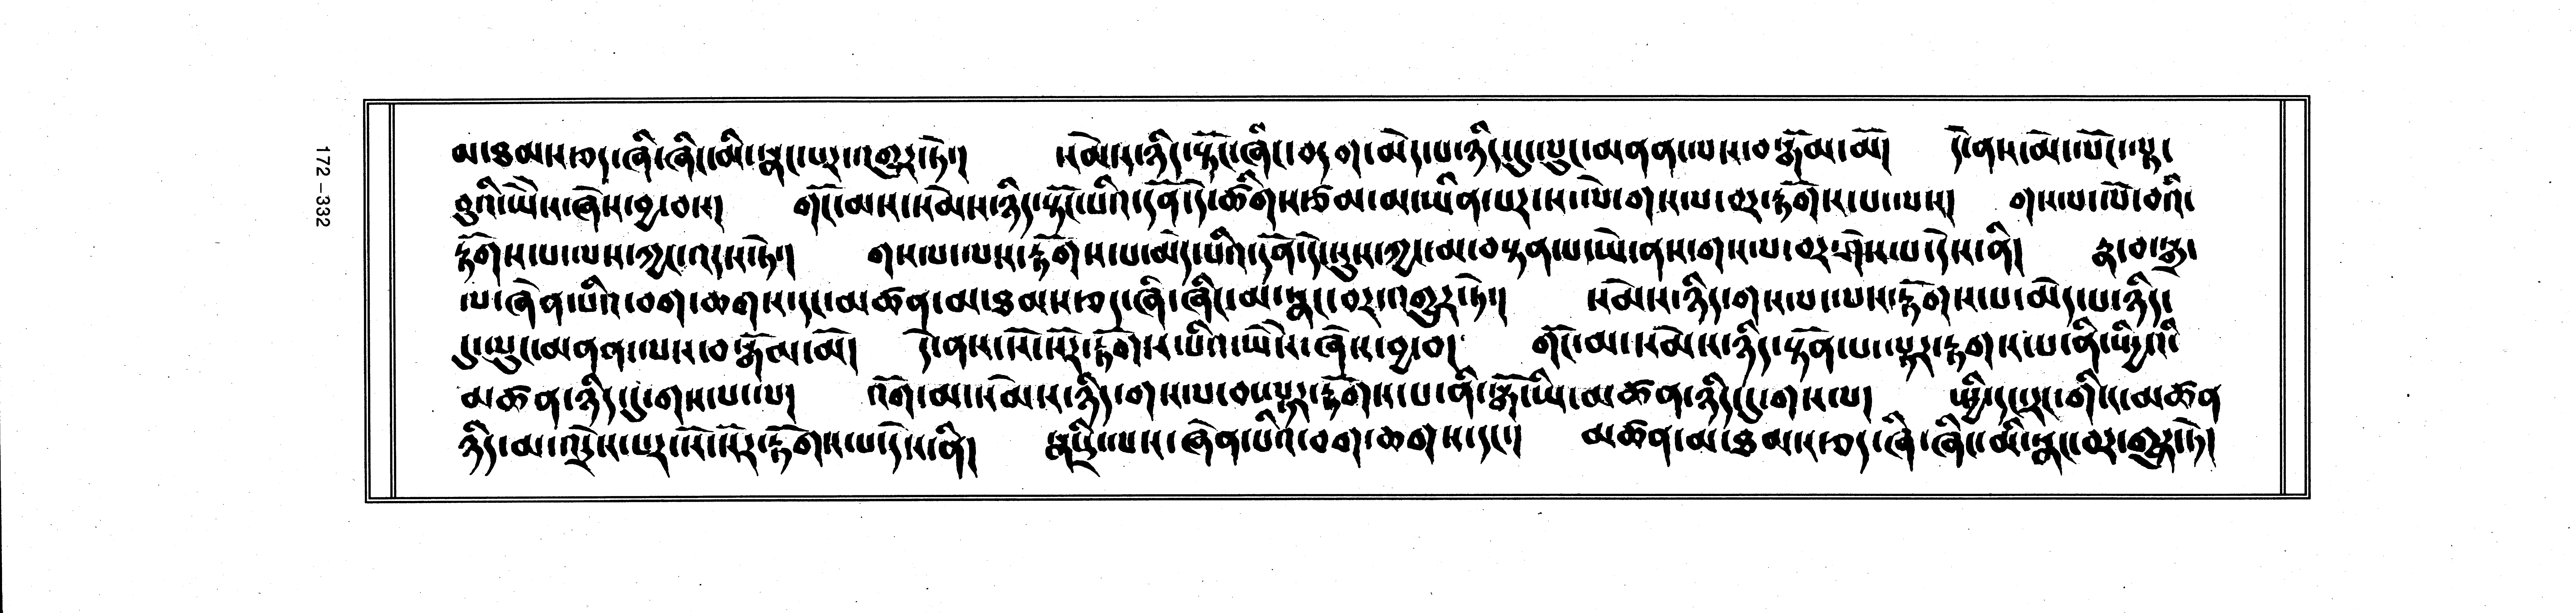མ་ཐམས་ཅད་ཞི་ཞིང་མི་སྣང་པར་འགྱུར་ཏེ། སེམས་ཉིད་སྟོང་ཞིང་བདག་མེད་པ་ཉིད་དུ་ལུང་མནན་ལས་བསྒོམ་མོ། དེ་ནས་མེ་ལོང་ལྟ་
བུའི་ཡེ་ཤེས་ཞེས་བྱ་བས། གོང་མས་སེམས་ཉིད་སྟོང་པའི་དོན་དེ་ཚིགས་ཙམ་མ་ཡིན་པར་སལེ་གསལ་བར་རྟོགས་པ་ལས། གསལ་ལོ་བའི་
རྟོགས་པ་ལས་ཀྱང་འདས་ཏེ། གསལ་ལས་རྟོགས་པ་མེད་པའི་དོན་དེ་སུས་ཀྱང་མ་བསྟན་པ་ཡེ་ནས་གསལ་བར་ཤེས་པ་དེས་ནི། རྣ་བ་སྒྲ་
ལ་ཞེན་པའི་བག་ཆགས་དང་མཚན་མ་ཐམས་ཅད་ཞི་ཞིང་མི་སྣང་བར་འགྱུར་ཏེ། སེམས་ཉིད་གསལ་ལས་རྟོགས་པ་མེད་པ་ཉིད་
དུ་ལུང་མནན་ལས་བསྒོམ་མོ། དེ་ནས་སོ་སོར་རྟོགས་པའི་ཡེ་ཤེས་ཞེས་བྱ་བ། གོང་མ་སེམས་ཉིད་སྟོན་པ་ལྟར་རྟགས་པ་ནི་སྤྱིའི་
མཚན་ཉིད་དུ་གསལ་ལ། འོག་མ་སེམས་ཉིད་གསལ་བ་ལྟར་རྟོགས་པ་ནི་སྒོ་ཡི་མཚན་ཉིད་དུ་གསལ། སྤྱི་དང་རང་གིས་མཚན་
ཉིད་མ་འདྲེས་པར་སོ་སོར་རྟོགས་པ་དེས་ནི། སྣ་དྲི་ལས་ཞེན་པའི་བག་ཆགས་དང་། མཚན་མ་ཐམས་ཅད་ཞི་ཞིང་མི་སྣང་བར་གྱུར་ཏེ།